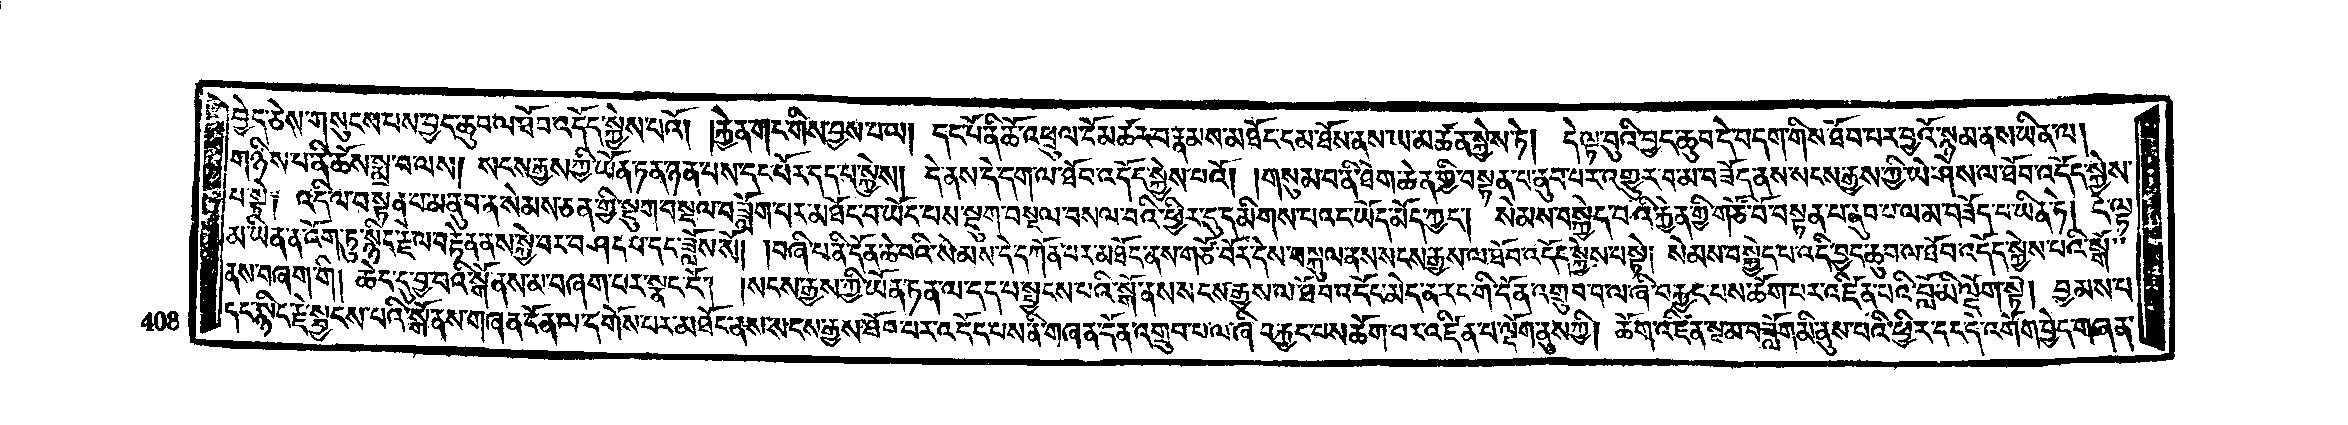བྱེད་ཅེས་གསུངས་པས་བྱང་ཆུབ་ལ་ཐོབ་འདོད་སྐྱེས་པའོ། །རྐྱེན་གང་གིས་བྱས་པ་ལ། དང་པོ་ནི་ཆོ་འཕྲུལ་ངོ་མཚར་བ་རྣམས་མཐོང་ངམ་ཐོས་ནས་ཡ་མཚན་སྐྱེས་ཏེ། དེ་ལྟ་བུའི་བྱང་ཆུབ་དེ་བདག་གིས་ཐོབ་པར་བྱའོ་སྙམ་ནས་ཡིན་ལ།
གཉིས་པ་ནི་ཆོས་སྨྲ་བ་ལས། སངས་རྒྱས་ཀྱི་ཡོན་ཏན་ཉན་པས་དང་པོར་དད་པ་སྐྱེས། དེ་ནས་དེ་དག་ལ་ཐོབ་འདོད་སྐྱེས་པའོ། །གསུམ་པ་ནི་ཐེག་ཆེན་གྱི་བསྟན་པ་ནུབ་པར་འགྱུར་བ་མ་བཟོད་ནས་སངས་རྒྱས་ཀྱི་ཡེ་ཤེས་ལ་ཐོབ་འདོད་སྐྱེས་
པ་སྟེ༑ འདི་ལ་བསྟན་པ་མ་ནུབ་ན་སེམས་ཅན་གྱི་སྡུག་བསྔལ་བཟློག་པར་མཐོང་བ་ཡོད་པས་སྡུག་བསྔལ་བསལ་བའི་ཕྱིར་དུ་དམིགས་པའང་ཡོད་མོད་ཀྱང་། སེམས་བསྐྱེད་པའི་རྐྱེན་གྱི་གཙོ་བོ་བསྟན་པ་ནུབ་པ་ལ་མ་བཟོད་པ་ཡིན་ཏེ། དེ་ལྟ་
མ་ཡིན་ན་འོག་ཏུ་སྙིང་རྗེ་ལ་བརྟེན་ནས་སྐྱེ་བར་བཤད་པ་དང་ཟློས་སོ། །བཞི་པ་ནི་དོན་ཆེ་བའི་སེམས་དེ་དཀོན་པར་མཐོང་ནས་གཙོ་བོར་དེས་བསྐུལ་ནས་སངས་རྒྱས་ལ་ཐོབ་འདོད་སྐྱེས་པ་སྟེ། སེམས་བསྐྱེད་པ་འདི་བྱང་ཆུབ་ལ་ཐོབ་འདོད་སྐྱེས་པའི་སྒོ་
ནས་བཞག་གི། ཆེད་དུ་བྱ་བའི་སྒོ་ནས་མ་བཞག་པར་སྣང་ངོ། །སངས་རྒྱས་ཀྱི་ཡོན་ཏན་ལ་དད་པ་སྦྱངས་པའི་སྒོ་ནས་སངས་རྒྱས་ལ་ཐོབ་འདོད་མེད་ན་རང་གི་དོན་འགྲུབ་པ་ལ་ཞི་བ་རྐྱང་པས་ཆོག་པར་འཛིན་པའི་བློ་མི་ལྡོག་སྟེ། བྱམས་པ་
དང་སྙིང་རྗེ་སྦྱངས་པའི་སྒོ་ནས་གཞན་དོན་ལ་དགོས་པར་མཐོང་ནས་སངས་རྒྱས་ཐོབ་པར་འདོད་པས་ནི་གཞན་དོན་འགྲུབ་པ་ལ་ཞི་བ་རྐྱང་པས་ཆོག་པར་འཛིན་པ་ལྡོག་ནུས་ཀྱི། ཆོག་འཛིན་སྔ་མ་བཟློག་མི་ནུས་པའི་ཕྱིར་དང་དེ་འགོག་བྱེད་གཞན་